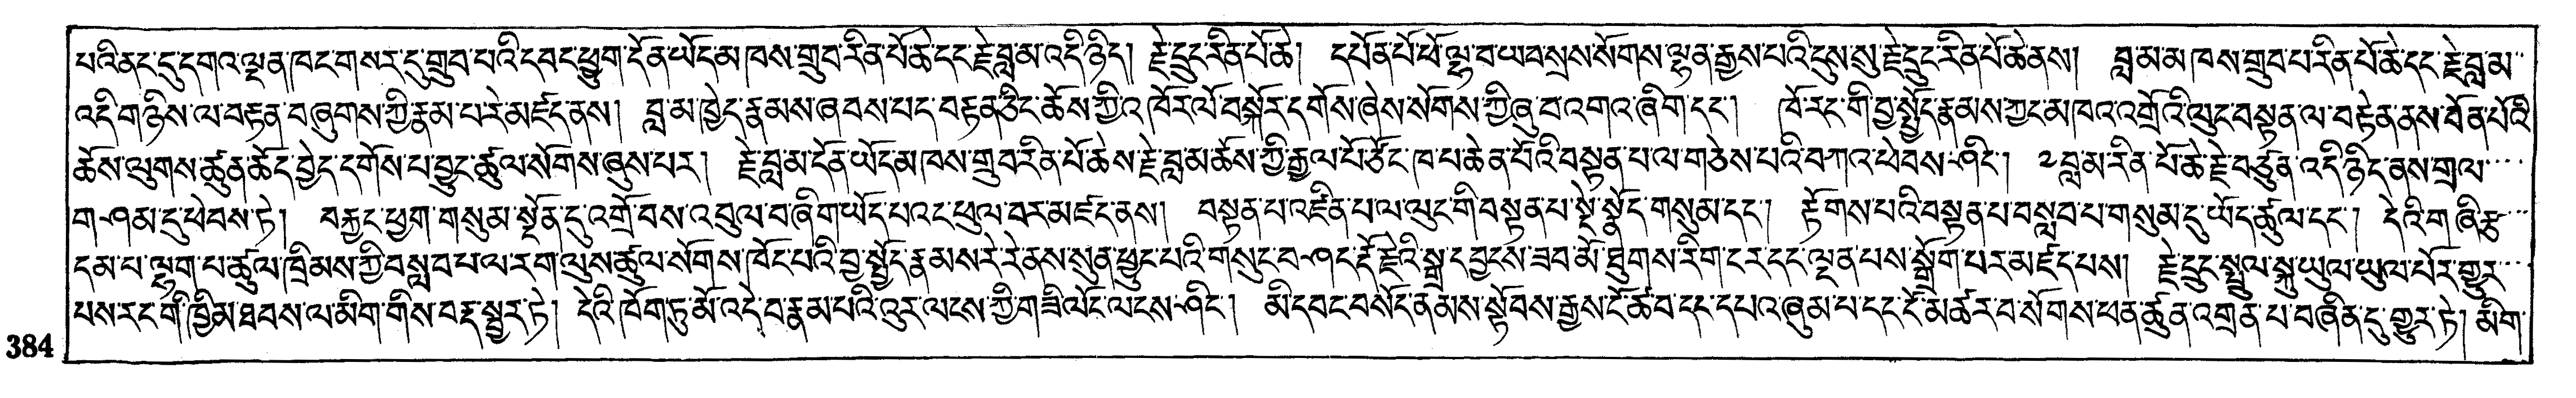པའི་ནང་དུ་དགའ་ལྡན་ཁང་གསར་དུ་གྲུབ་པའི་དབང་ཕྱུག་དོན་ཡོད་མཁས་གྲུབ་རིན་པོ་ཆེ་དང་རྗེ་བླ་མ་འདི་ཉིད། རྗེ་དྲུང་རིན་པོ་ཆེ། དཔོན་པོ་ཕོ་ལྷ་བ་ཡབ་སྲས་སོགས་ལྷན་རྒྱས་པའི་དུས་སུ་རྗེ་དྲུང་རིན་པོ་ཆེ་ནས། བླ་མ་མཁས་གྲུབ་པ་རིན་པོ་ཆེ་དང་རྗེ་བླ་མ་
འདི་གཉིས་ལ་བརྟན་བཞུགས་ཀྱི་རྣམ་པ་རེ་མཛད་ནས། བླ་མ་ཁྱེད་རྣམས་ཞབས་བད་བརྟན་ཅིང་ཆོས་ཀྱི་འཁོར་ལོ་བསྐོར་དགོས་ཞེས་སོགས་ཀྱི་ཞུ་བ་འགའ་ཞིག་དང་། ཁོ་རང་གི་བྱ་སྤྱོད་རྣམས་ཀྱང་མཁའ་འགྲོའི་ལུང་བསྟན་ལ་བརྟེན་ནས་བོན་པོའི་
ཆོས་ལུགས་ཚུན་ཆོད་བྱེད་དགོས་པ་བྱུང་ཚུལ་སོགས་ཞུས་པར། རྗེ་བླ་མ་དོན་ཡོད་མཁས་གྲུབ་རིན་པོ་ཆེས་རྗེ་བླ་མ་ཆོས་ཀྱི་རྒྱལ་པོ་ཙོང་ཁ་པ་ཆེན་པོའི་བསྟན་པ་ལ་གཅེས་པའི་བཀའ་ཕེབས་ཤིང་། ༧་བླ་མ་རིན་པོ་ཆེ་རྗེ་བཙུན་འདི་ཉིད་ནས་གྲལ་
གཤམ་དུ་ཕེབས་ཏེ། བརྐྱང་ཕྱག་གསུམ་སྔོན་དུ་འགྲོ་བས་འབུལ་བ་ཞིག་ཡོད་པའང་ཕུལ་བར་མཛད་ནས། བསྟན་པ་འཛིན་པ་ལ་ལུང་གི་བསྟན་པ་སྡེ་སྣོད་གསུམ་དང་། རྟོགས་པའི་བསྟན་པ་བསླབ་བ་གསུམ་དུ་ཡོད་ཚུལ་དང་། དེའི་གཞི་རྩ་
དམ་པ་ལྷག་པ་ཚུལ་ཁྲིམས་ཀྱིས་བསླབ་པ་ལ་རག་ལུས་ཚུལ་སོགས་ཁོར་པའི་བྱ་སྤྱོད་རྣམས་རེ་རེ་ནས་སུན་ཕྱུང་བའི་གསུང་བཤད་རྡོ་རྗེའི་སྒྲ་དབྱངས་ཟབ་མོ་ཐུགས་རིག་དར་དང་ལྡན་པས་སྒྲོག་པར་མཛད་པས། རྗེ་དྲུང་སྤྲུལ་སྐུ་ཡུལ་ཡུལ་པོར་གྱུར་
པས་རང་གི་ཁྱིམ་ཐབས་ལ་མིག་གིས་བརྡ་སྦྱར་ཏེ། དེའི་ཁོག་ཏུ་མོ་འདྲེ་བརླམ་པའི་འུར་ལངས་ཀྱི་གཟི་ལོང་ལངས་ཤིང་། མི་དབང་བསོད་ནམས་སྟོབས་རྒྱས་ངོ་ཚ་བ་དང་དཔའ་ཞུམ་པ་དང་ངོ་མཚར་བ་སོགས་ཕན་ཚུན་འགྲན་པ་བཞིན་དུ་གྱུར་ཏེ། མིག་